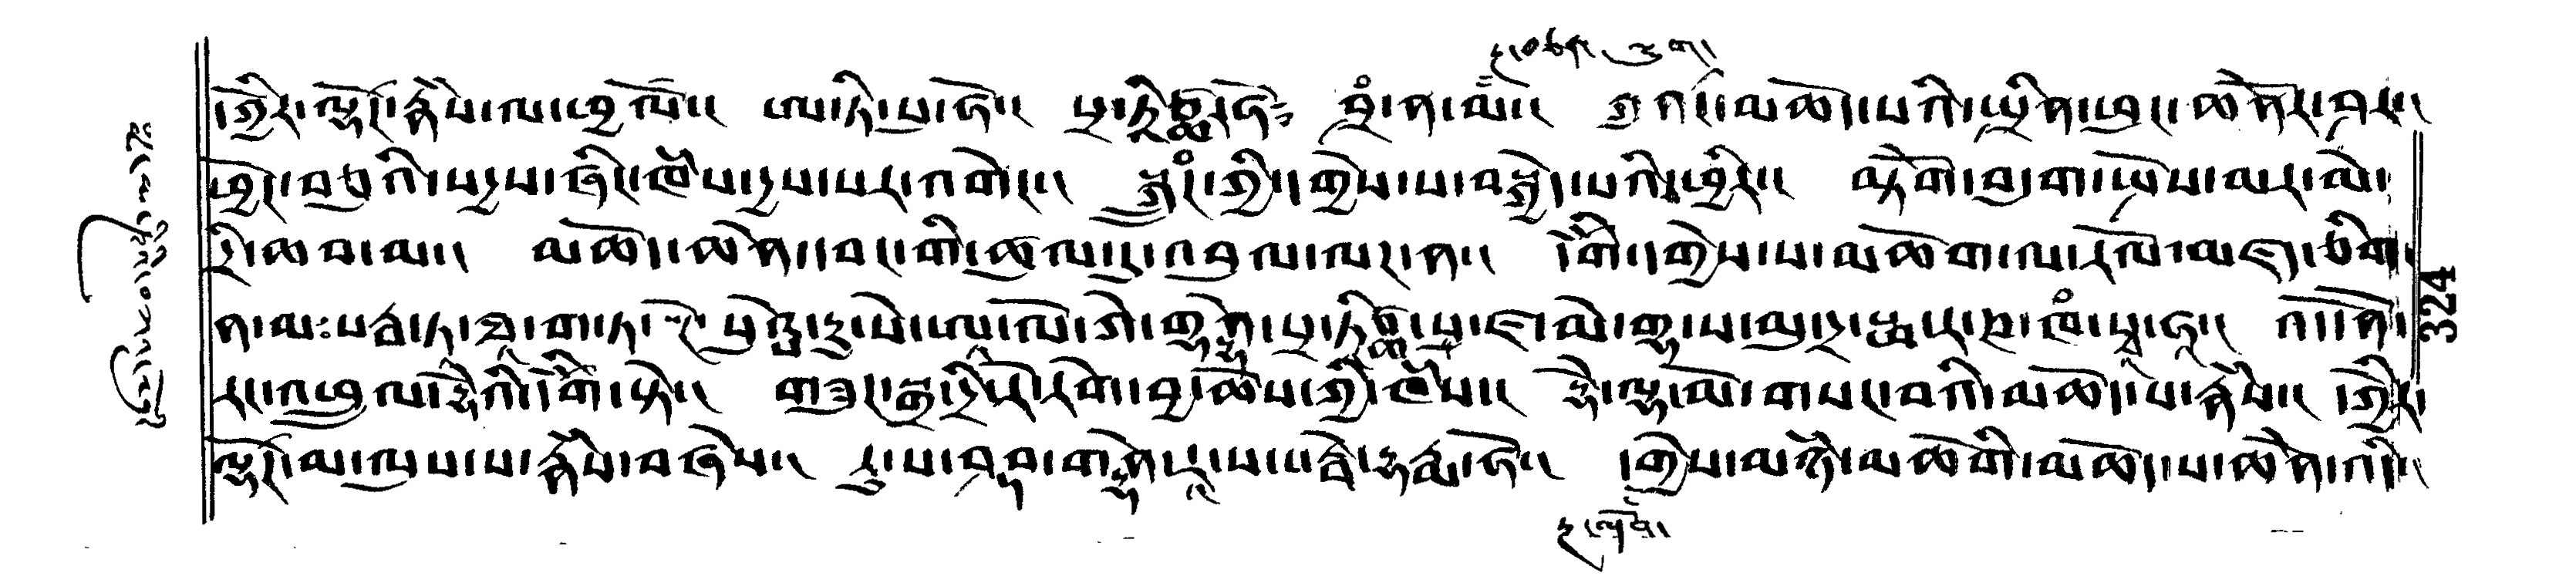།དཀྱིལ་འཁོར་ལྷ་ཚོགས་རྣམས་ལ་ཕྱག་འཚལ་ལོ།ཨ་ཏི་པུ་ཧོ། པྲ་ཏིཙྪ་ཧོ། ཤྲཾ་ན་མ། ཀུན་བཟང་མཆོད་པའི་སྤྲིན་ཕུང་ཆེན་པོར་ཤར། །
ཕྱོགས་བཅུའི་སངས་རྒྱས་ཞིང་ཁམས་རྒྱས་པར་འགེངས། །སྐུ་གསུང་ཐུགས་ཀྱི་དགྱེས་པ་བསྐྱེད་པའི་ཕྱིར། །མེ་ཏོག་བདུག་སྤོས་མར་མེ་
དྲི་ཆབ་མ། །མཆོད་ཆེན་དབང་གི་ཚུལ་དུ་འབུལ་ལགས་ན། །དམ་ཚིག་དགྱེས་པ་མཆོག་ལ་རོལ་མཛོད་ཅིག 
ན་མཿསརྦ་ཏཱ་ཐཱ་ག་ཏ་སོགས་པེུཥྤ་དྷུ་པེ་ཨཱ་ལོ་ཀེ་གྷནྡྷེ་པྲ་ཏིཙྪ་པུ་ཛ་མེ་གྷ་ས་མུ་དྲ་སྥ་ར་ཎ་ཁཾ་སྭ་ཧཱ། འདོད་དོན་
རང་འཕྲུལ་རྡོ་རྗེའི་དམ་ཚིག་སྟེ། །གཟུགས་དྲི་རོ་རེག་བྱ་ཆོས་ཀྱི་ཁམས། །རྡོ་རྗེ་ལྷ་མོ་གསང་བའི་མཆོད་པ་རྣམས། །དཀྱིལ་
འཁོར་ལྷ་ཚོགས་མ་ལུས་པ་རྣམས་བཞེས། རུ་པ་ཤབྟ་གནྡྷེ་རཱ་ས་པརྴེ་དྷརྨ་ཧོ། དགྱེས་མཉམ་མཆོག་གི་མཆོད་པ་ཆེན་པོ་འདི།